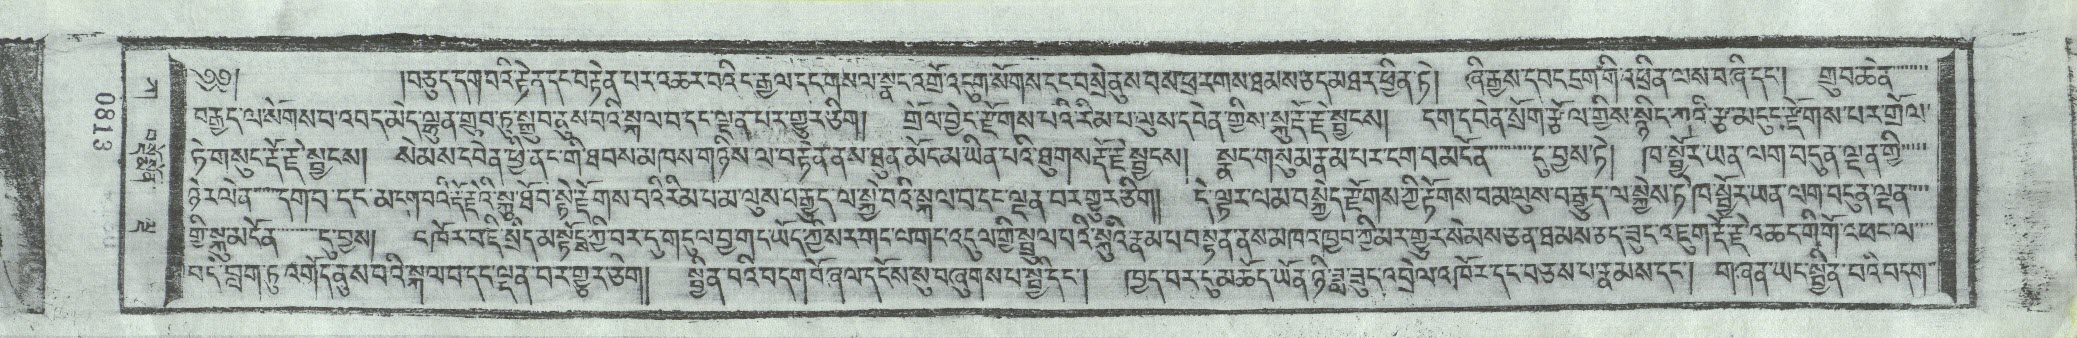༄༅། །བཅུད་དག་པའི་རྟེན་དང་བརྟེན་པར་འཆར་པའི་ང་རྒྱལ་དང་གསལ་སྣང་འགྲོ་འདུག་སོགས་དང་བསྲེ་ནུས་བས་ཕྲ་རགས་ཐམས་ཅད་མཐར་ཕྱིན་ཏེ། ཞི་རྒྱས་དབང་དྲག་གི་འཕྲིན་ལས་བཞི་དང་། གྲུབ་ཆེན་
བརྒྱད་ལ་སོགས་པ་འབད་མེད་ལྷུན་གྲུབ་ཏུ་སྒྲུབ་ནུས་པའི་སྐལ་པ་དང་ལྡན་པར་གྱུར་ཅིག །གྲོལ་བྱེད་རྫོགས་པའི་རིམ་པ་ལུས་དཔེན་གྱིས་སྐུ་རྡོ་རྗེ་སྦྱངས། ངག་དབེན་སྲོག་རྩོལ་གྱིས་སྙིང་ཀའི་རྩ་མདུད་རྫོགས་པར་གྲོལ་
ཏེ་གསུང་རྡོ་རྗེ་སྦྱང་། སེམས་དབེན་ཕྱི་ནང་གི་ཐབས་མཁས་གཉིས་ལ་བརྟེན་ནས་ཐུན་མོང་མ་ཡིན་པའི་ཐུགས་རྡོ་རྗེ་སྦྱང་། སྣང་གསུམ་རྣམ་པར་དག་བ་མངོན་དུ་བྱས་ཏེ། ཁ་སྦྱོར་ཡན་ལག་བདུན་ལྡན་??
ཉེར་ལེན་དག་བ་དང་མདག་བའི་རྡོ་རྗེའི་སྐུ་ཐོབ་སྟེ་རྫོགས་པའི་རིམ་པ་མ་ལུས་བརྒྱད་ལ་སྐྱེ་བའི་སྐལ་བ་དང་ལྡན་པར་གྱུར་ཅིག །དེ་ལྟར་ལམ་བསྐྱེད་རྫོགས་ཀྱི་རྟོགས་པ་མ་ལུས་པ་རྒྱུད་ལ་སྐྱེས་ཏེ་ཁ་སྦྱོར་ཡན་ལག་བདུན་ལྡན་
གྱི་སྐུ་མངོན་དུ་བྱས། འཁོར་བ་ཇི་སྲིད་མ་སྟོངས་ཀྱི་བར་དུ་གདུལ་བྱ་གང་ཡོད་ཀྱིས་ར་གང་ལ་གང་འདུལ་གྱི་སྦྲུལ་པའི་སྐུའི་རྣམ་པ་བསྟན་ནས་མཁའ་ཁྱབ་ཀྱི་མར་གྱུར་སེམས་ཅ་ཐམས་ཅད་ཟུང་འཇུག་རྡོ་རྗེ་འཆང་གི་གོ་འཕང་ལ་
བདེ་བླག་ཏུ་འགོད་ནུས་པའི་སྐལ་བ་དང་ལྡན་པར་གྱུར་ཅིག། སྦྱིན་པའི་བདག་པོ་ཞལ་དངོས་སུ་བཞུགས་པ་སྦྱོ་དེང་། ཁྱད་པར་དུ་མཆོད་ཡོན་ཉི་ཟླ་ཟུང་འབྲེལ་འཁོར་དང་ཅས་པ་རྣམས་དང་། གཞན་ཡང་སྦྱིན་པའི་བདག་